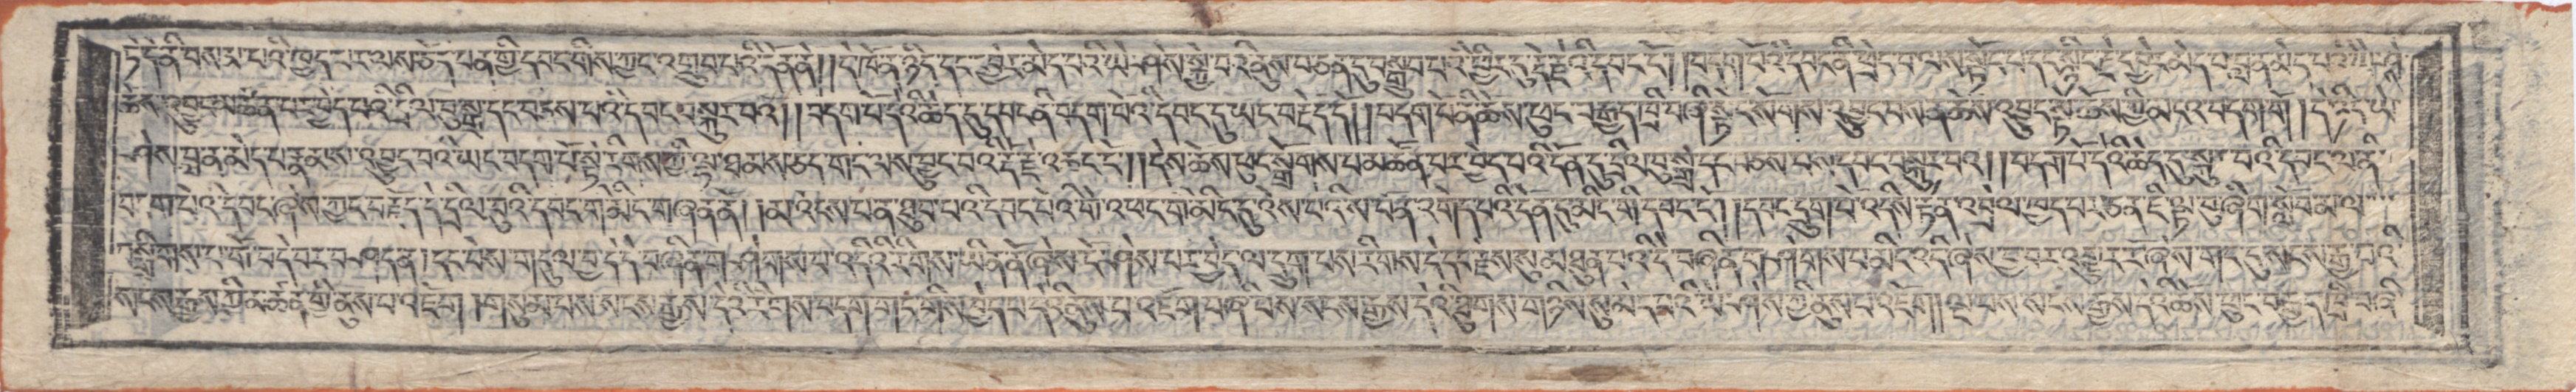ཏེ་དེ་ནི་བསམ་པའི་ཁྱད་པར་ལས་ཅོད་པན་གྱི་དབང་གིས་ཀྱང་འགྲུབ་པའི་དོན་ནོ། །དེ་ཁོ་ན་ཉིད་དང་དབྱེར་མེད་པའི་ཡེ་ཤེས་སྐྱེ་བའི་ནུས་པ་ཅན་དུ་བསྒྲུབ་པའི་ཕྱིར་དུ་རྡོ་རྗེའི་དབང་ངོ། །བདག་པོའི་དབང་ནི་ཕྲེང་བ་ལས་སྟོང་པ་དང་སྙིང་རྗེ་དབྱེར་མེད་པ་བླ་ན་མེད་པའི་ཡེ་ཤེས་
ཆོས་འབྱུང་མཚོན་པར་བྱེད་པའི་དྲིལ་བུ་སྒྲ་དང་བཅས་པའི་དབང་བསྐུར་བའོ། །བདག་པོ་དེའི་ཆེད་དུ་དབང་ནི་བདག་པོའི་དབང་དུ་ཡང་བརྗོད་དོ། །བདག་པོ་ནི་ཆོས་ཕུང་བརྒྱད་ཁྲི་བཞི་སྟོང་སོགས་འབྱུང་བས་ན་ཆོས་འབྱུང་སྟེ་ཆོས་ཀྱི་མངའ་བདག་གོ །དེ་ཉིད་ཡེ་
ཤེས་བླ་ན་མེད་པ་རྣམས་འབྱུང་བའི་ཡང་བདག་པོ་སྟེ་རིགས་ཀྱི་ལྷ་ཐམས་ཅད་གང་ལས་བྱུང་བའི་རྡོ་རྗེ་འཆང་ངོ། །དེས་ཆོས་ཕུང་སྒྲོགས་པ་མཚོན་པར་བྱེད་པའི་དོན་དུ་དྲིལ་བུ་སྒྲ་དང་བཅས་པས་དབང་བསྐུར་བའོ། །བདག་པོ་དེའི་ཆེད་དུ་སྐུར་བའི་དབང་ལ་ནི་
བདག་པོའི་དབང་ཞེས་ཀྱང་བརྗོད་དེ་དྲིལ་བུའི་དབང་གི་མིང་གཞན་ནོ། །མ་འོངས་པ་ན་ཐུབ་པའི་དབང་པོའི་གོ་འཕང་གི་མིང་དུ་འོས་པའི་ས་བོན་འགོད་པའི་དོན་དུ་མིང་གི་དབང་ངོ། །དབང་དྲུག་པོ་འདིས་རྟེན་འབྲེལ་ཁྱད་པར་ཅན་ཇི་ལྟ་བུ་ཞིག་སློབ་མ་ལ་
བསྒྲིགས་པ་གོ་བདེ་བར་བཤད་ན། དང་པོས་གདུལ་བྱ་དེ་དེ་བཞིན་གཤེགས་པ་འདིའི་རིགས་ཡིན་ནོ་ཞེས་ངོ་ཤེས་པར་བྱེད་ལ་དྲུག་པས་རིགས་དེ་དང་རྗེས་སུ་མཐུན་པའི་དེ་བཞིན་གཤེགས་པ་མིང་འདི་ཞེས་བྱ་བར་འགྱུར་རོ་ཞེས་གང་དུ་སངས་རྒྱ་བའི་
སངས་རྒྱས་ཀྱི་མཚན་གྱི་ནུས་པ་འཇོག །གསུམ་པས་སངས་རྒྱས་དེའི་རིགས་བདག་གང་གིས་བྱེད་པ་དེའི་ནུས་པ་འཇོག་བཞི་པས་སངས་རྒྱས་དེའི་ཐུགས་གཉིས་སུ་མེད་པའི་ཡེ་ཤེས་ཀྱི་ནུས་པ་འཇོག །ལྔ་པས་སངས་རྒྱས་དེའི་ཆོས་ཕུང་བརྒྱད་ཁྲི་བཞི་